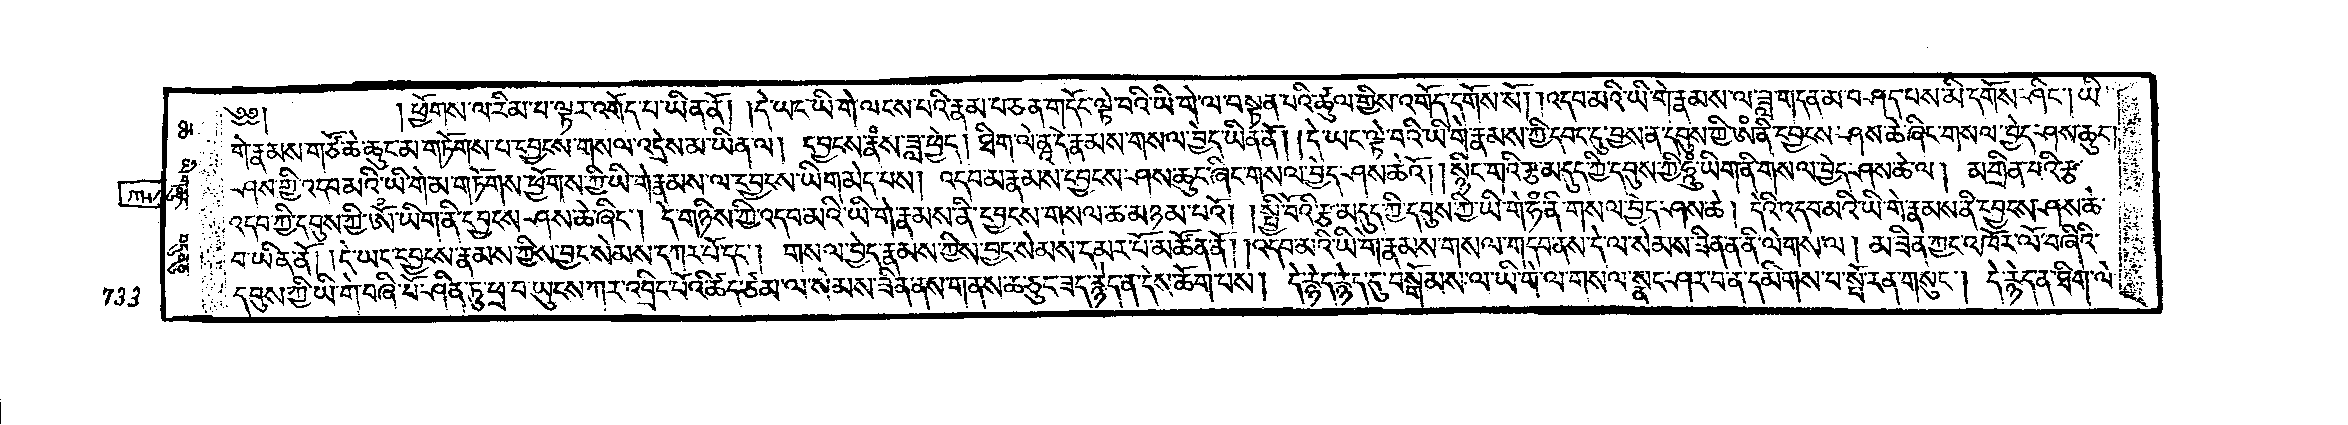༄༅། །ཕྱོགས་ལ་རིམ་པ་ལྟར་འགོད་པ་ཡིན་ནོ། །དེ་ཡང་ཡི་གེ་ལངས་པའི་རྣམ་པ་ཅན་གདོང་ལྟེ་བའི་ཡི་གེ་ལ་བསྟན་པའི་ཚུལ་གྱིས་འགོད་དགོས་སོ། །འདབ་མའི་ཡི་གེ་རྣམས་ལ་ཟླ་གདན་མ་བཤད་པས་མི་དགོས་ཤིང་། ཡི་
གེ་རྣམས་གཙོ་ཆེ་ཆུང་མ་གཏོགས་པ་དབྱངས་གསལ་འདྲེས་མ་ཡིན་ལ། དབྱངས་རྣམས་ཟླ་ཕྱེད། ཐིག་ལེ་ནཱ་ད་རྣམས་གསལ་བྱེད་ཡིན་ནོ། །དེ་ཡང་ལྟེ་བའི་ཡི་གེ་རྣམས་ཀྱི་དབང་དུ་བྱས་ན་དབུས་ཀྱི་ཨཾ་ནི་དབྱངས་ཤས་ཆེ་ཞིང་གསལ་བྱེད་ཤས་ཆུང་།
ཤར་གྱི་འདབ་མའི་ཡི་གེ་མ་གཏོགས་ཕྱོགས་ཀྱི་ཡི་གེ་རྣམས་ལ་དབྱངས་ཡིག་མེད་པས། འདབ་མ་རྣམས་དབྱངས་ཤས་ཆུང་ཞིང་གསལ་བྱེད་ཤས་ཆེའོ། །སྙིང་གའི་རྩ་མདུད་ཀྱི་དབུས་ཀྱི་ཧཱུཾ་ཡིག་ནི་གསལ་བྱེད་ཤས་ཆེ་ལ། མགྲིན་པའི་རྩ་
འདབ་ཀྱི་དབུས་ཀྱི་ཨོཾ་ཡིག་ནི་དབྱངས་ཤས་ཆེ་ཞིང་། དེ་གཉིས་ཀྱི་འདབ་མའི་ཡི་གེ་རྣམས་ནི་དབྱངས་གསལ་ཆ་མཉམ་པའོ། །སྤྱི་བོའི་རྩ་མདུད་ཀྱི་དབུས་ཀྱི་ཡི་གེ་ཧཾ་ནི་གསལ་བྱེད་ཤས་ཆེ། དེའི་འདབ་མའི་ཡི་གེ་རྣམས་ནི་དབྱངས་ཤས་ཆེ་
བ་ཡིན་ནོ། །དེ་ཡང་དབྱངས་རྣམས་ཀྱིས་བྱང་སེམས་དཀར་པོ་དང་། གསལ་བྱེད་རྣམས་ཀྱིས་བྱང་སེམས་དམར་པོ་མཚོན་ནོ། །འདབ་མའི་ཡི་གེ་རྣམས་གསལ་གདབ་ནས་དེ་ལ་སེམས་ཟིན་ན་ནི་ལེགས་ལ། མ་ཟིན་ཀྱང་འཁོར་ལོ་བཞིའི་
དབུས་ཀྱི་ཡི་གེ་བཞི་པོ་ཤིན་ཏུ་ཕྲ་བ་ཡུངས་ཀར་འབྲིང་པོའི་ཆེད་ཙམ་ལ་སེམས་ཟིན་ནས་གནས་ཆ་ཅུང་ཟད་རྙེད་ན་དེས་ཆོག་པས། དེ་རྙེད་རྙེད་དུ་བསྒོམས་ལ་ཡི་གེ་ལ་གསལ་སྣང་ཤར་བ་ན་དམིགས་པ་སྤོ་རན་གསུང་། དེ་རྙེད་ན་ཐིག་ལེ་